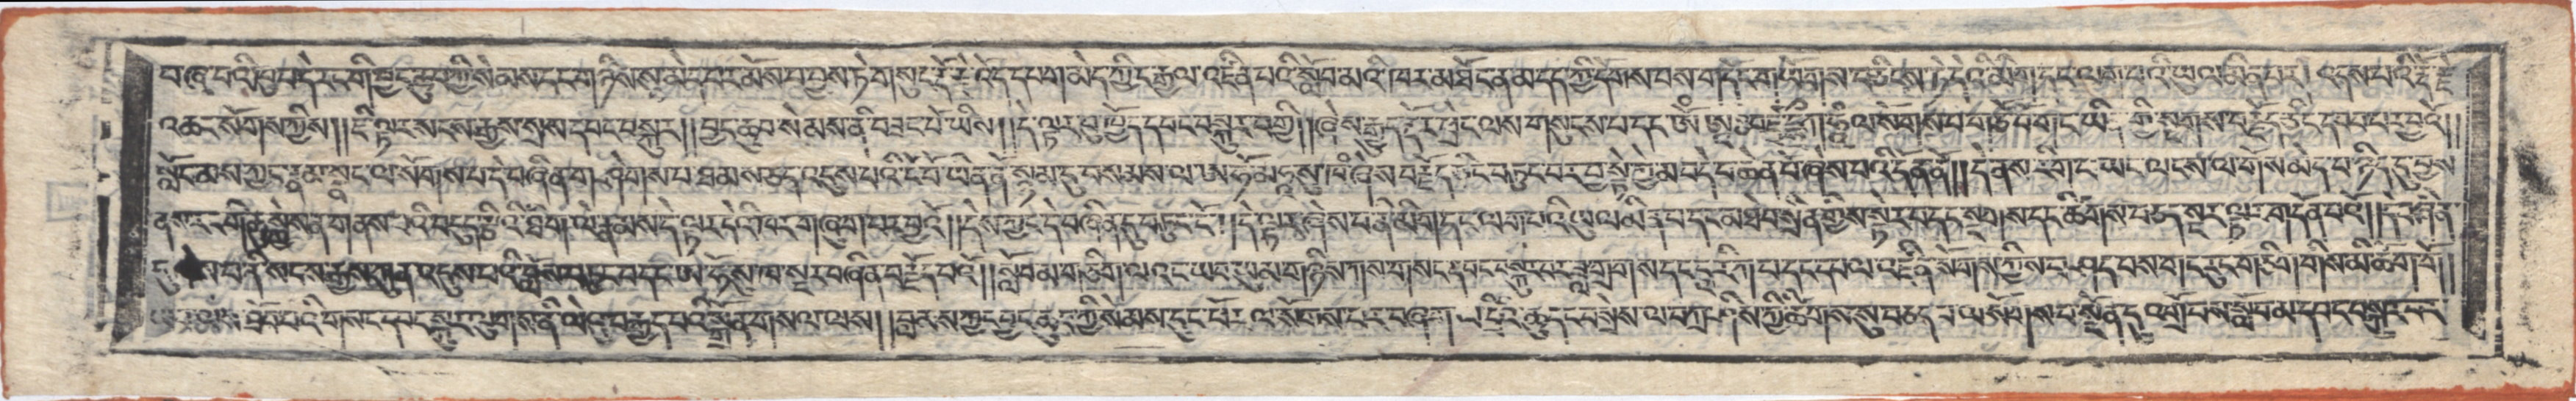བ་ཞུ་བའི་ཁུབ་དེ་རང་གི་བྱང་ཆུབ་ཀྱི་སེམས་དང་གཉིས་སུ་མེད་པར་མོས་པ་བྱས་ཏེ་གསུང་རྡོ་རྗེ་འོད་དཔག་མེད་ཀྱི་ང་རྒྱལ་འཛིན་པའི་སློབ་མའི་ཁར་མཐོང་ན་མ་དད་ཀྱི་དོགས་པས་གདོང་གཡོགས་བཅིངས་ཏེ་དེའི་མིག་དང་ལག་པའི་ཡུལ་མིན་པར། འདས་པའི་རྡོ་རྗེ་
འཆང་སོགས་ཀྱིས། །ཇི་ལྟར་སངས་རྒྱས་སྲས་དབང་བསྐུར། །བྱང་ཆུབ་སེམས་ནི་བཟང་པོ་ཡིས། །དེ་ལྟར་བུ་ཁྱོད་དབང་བསྐུར་བགྱི། །ཞེས་རྒྱུད་རྡོར་ཕྲེང་ལས་གསུངས་པ་དང་ཨོཾ་ཨཱཿ བཛྲ་དྷྲྀ་ཀ་ཧཱུཾ་ལ་སོགས་པ་གཙོ་བོ་གང་ཡིན་གྱི་སྔགས་བརྗོད་ཅིང་དབབ་པར་བྱའོ།།
སློབ་མས་ཀྱང་རྣམ་སྣང་ལ་སོགས་པ་དེ་བཞིན་གཤེགས་པ་ཐམས་ཅད་འདུས་པའི་ངོ་བོ་ཡིན་ནོ་སྙམ་དུ་བསམས་ལ་ཨ་ཧོ་མཧཱ་སུ་ཁཾ་ཞེས་བརྗོད་ཅིང་བཏུང་བར་བྱ་སྟེ་ཀྱེ་མ་བདེ་བ་ཆེན་པོ་ཞེས་པའི་དོན་ནོ། །དེ་ནས་རིག་པ་ཡང་ལངས་ལ་གོས་མེད་པ་ཉིད་དུ་བྱས་
ནས་རང་གི་ཆུ་སྐྱེས་ན་གནས་པའི་བདུད་རྩིའི་ཐིག་ལེ་རྣམས་དེ་ལྟར་དེའི་ཁར་གཞུག་པར་བྱའོ། །དེས་ཀྱང་དེ་བཞིན་དུ་བཏུང་ངོ། །དེ་ལྟར་ཞེས་པ་ནི་མིག་དང་ལག་པའི་ཡུལ་མིན་པ་དང་མཐེབ་སྲིན་གྱིས་སྟེར་བ་དང་སྔགས་དང་ཚིགས་བཅད་སྔར་ལྟར་གདོན་པའོ། །དེ་བཞིན་
དུ་ཞེས་པ་ནི་སངས་རྒྱས་ཀུན་འདུས་པའི་བློས་བཏུང་བ་དང་ཨ་ཧོ་སུ་ཁ་སྔར་བཞིན་བརྗོད་པའོ། །སློབ་མ་གཅིག་ལའང་ཡབ་ཡུམ་གཉིས་ཀས་གསང་དབང་བསྐུར་བར་ཟླ་གྲགས་དང་དཱ་རི་ཀ་པ་དང་དཔལ་འཛིན་སོགས་ཀྱིས་བཤད་པས་གང་རུང་གཅིག་གིས་མི་ཆོག་གོ །
ཡབ་ལས་ཐོབ་པའི་གསང་དབང་སྐུར་ལུགས་ནི་ལེའུ་བརྒྱད་པའི་སྒྲོན་གསལ་ལས། །བླ་མས་ཀྱང་བྱང་ཆུབ་ཀྱི་སེམས་དུང་ཕོར་ལ་སོགས་པར་བཞག་ལ་དྲིའི་ཆུ་དང་བསྲེས་ལ་བཀྲ་ཤིས་ཀྱི་ཚིགས་སུ་བཅད་པ་ལ་སོགས་པ་སྔོན་དུ་འགྲོ་བས་སློབ་མ་དབང་བསྐུར་བར་